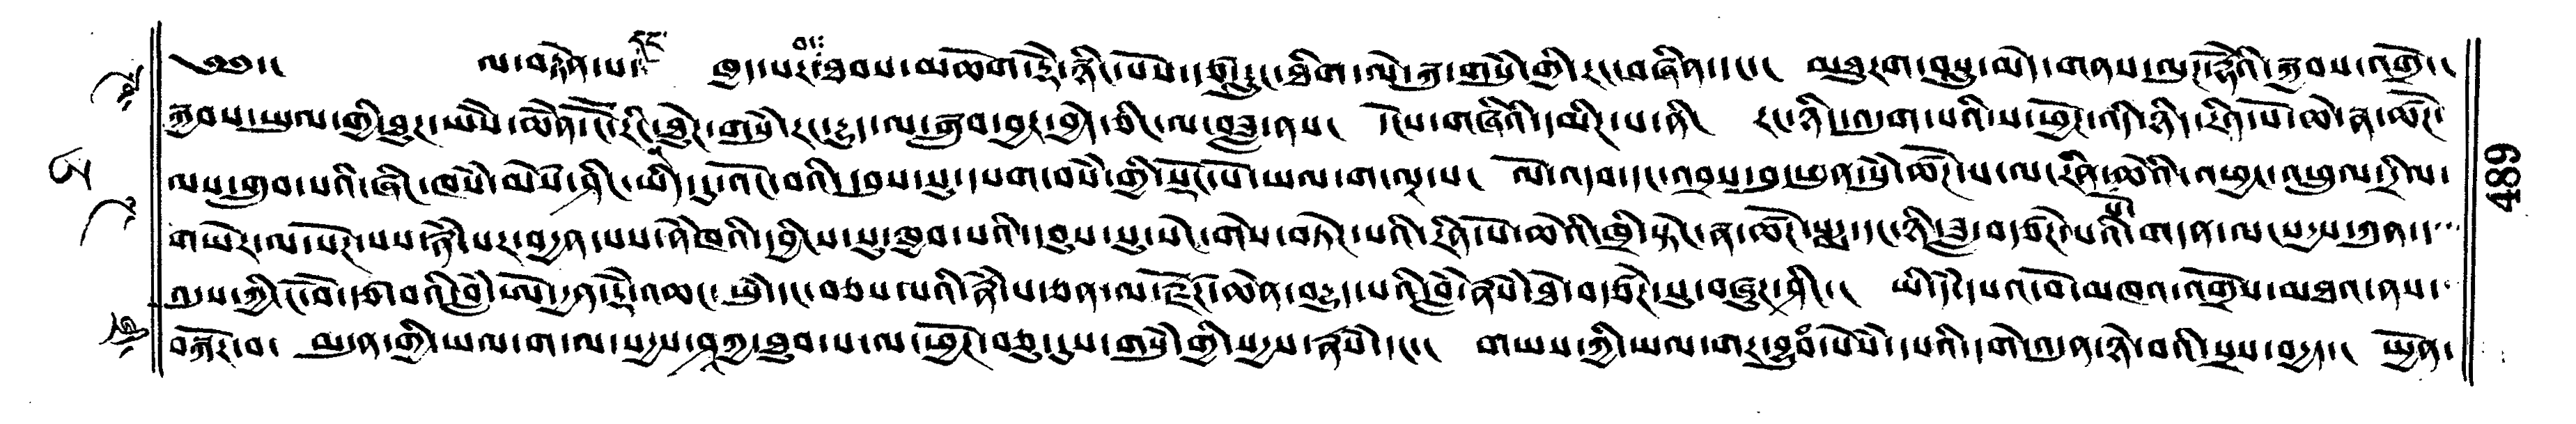ལ་བརྟེན་པ་དང་། ཁྱད་པར་བ་ཐབས་མཆོག་རྡོ་རྗེ་སྙིང་པོས་རྩ་རླུང་ཐིག་ལེ་སྐུ་གསུམ་གྱི་རང་བཞིན་དང་། མཐར་ཐུག་བསླུ་མེད་གནས་ལུགས་རྡོ་རྗེའི་སྐྱབས་འགྲོ། 
སྐྱབས་ཡུལ་གྱི་ཐུགས་ཡེ་ཤེས་ཆེན་པོ་ངོ་བོ་རང་བཞིན་ཐུགས་རྗེ་གསུམ་རང་རྒྱུད་ལ་བསྒྲུབ་བྱར་བྱེད་ཅིང་ལ་བཟླ་ནས། དངོས་གཞིའི་དམིགས་པ་ནི། རང་ཉིད་འདུག་པའི་ས་ཕྱོགས་འདི་ཉིད་རིན་པོ་ཆེ་སྣ་ཚོགས་
ལས་གྲུབ་པའི་ཞིང་ཁམས་མཛེས་ཤིང་ཡིད་དུ་འོང་བའི་དབུས་སུ་དཔག་བསམ་གྱི་སྡོང་པོ་ཡལ་ག་ལྔ་པ།ཡལ་འདབ་དང་འབྲས་བུ་ཕུན་སུམ་ཚོགས་པ་ལ་རིན་པོ་ཆེའི་འཕྱང་འཕྲུལ་དྲིལ་
གཡེར་ལ་སོགས་པས་རྣམ་པར་བརྒྱན་པས་ནམ་མཁའི་དབྱིངས་སུ་ཁྱབ་པའི་དབུས་སུ་སེང་གེས་བཏེགས་པའི་རིན་པོ་ཆེའི་ཁྲི་སྟོང་སྣ་ཚོགས་པདྨ་དང་ཉི་ཟླ་བརྩེགས་པའི་གདན་ལ་སངས་རྒྱས་ཀུན་
འདུས་ཀྱི་ངོ་བོ་རྩ་བའི་བླ་མ་ཨོ་རྒྱན་རྡོ་རྗེ་འཆང་ཡུམ་དང་བཅས་པའི་རྣམ་པ་ཅན་ལ་རྫོགས་ཆེན་བརྒྱུད་པའི་བླ་མ་རྣམས་ཐོ་བརྩེགས་སུ་བཞུགས་ཤིང་། ཡི་དམ་དཔའ་བོ་མཁའ་འགྲོས་མཐའ་ནས་
བསྐོར་བ། མདུན་གྱི་ཡལ་ག་ལ་སངས་རྒྱས་ཤཱཀྱ་ཐུབ་པ་ལ་ཕྱོགས་བཅུ་དུས་གསུམ་གྱི་སངས་རྒྱས་རྣམས་དང་། གཡས་ཀྱི་ཡལ་གར་བྱང་ཆུབ་སེམས་དཔའི་དགེ་འདུན་ཉེ་བའི་སྲས་བརྒྱད། གཡོན་གྱི་